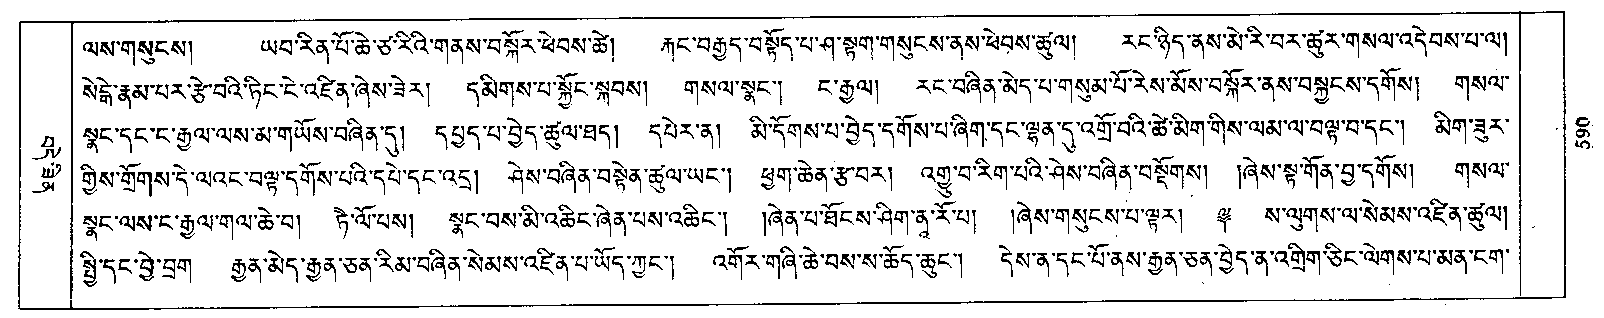ལས་གསུངས། ཡབ་རིན་པོ་ཆེ་ཙ་རིའི་གནས་བསྐོར་ཕེབས་ཚེ། རྐང་བརྒྱད་བསྟོད་པ་ཤ་སྟག་གསུངས་ནས་ཕེབས་ཚུལ། རང་ཉིད་ནས་མེ་རི་བར་ཚུར་གསལ་འདེབས་པ་ལ།
སེངྒེ་རྣམ་པར་རྩེ་བའི་ཏིང་ངེ་འཛིན་ཞེས་ཟེར། དམིགས་པ་སྐྱོང་སྐབས། གསལ་སྣང་། ང་རྒྱལ། རང་བཞིན་མེད་པ་གསུམ་པོ་རེས་མོས་བསྐོར་ནས་བསྐྱངས་དགོས། གསལ་
སྣང་དང་ང་རྒྱལ་ལས་མ་གཡོས་བཞིན་དུ། དཔྱད་པ་བྱེད་ཚུལ་ཐད། དཔེར་ན། མི་དོགས་པ་བྱེད་དགོས་པ་ཞིག་དང་ལྷན་དུ་འགྲོ་བའི་ཚེ་མིག་གིས་ལམ་ལ་བལྟ་བ་དང་། མིག་ཟུར་
གྱིས་གྲོགས་དེ་ལའང་བལྟ་དགོས་པའི་དཔེ་དང་འདྲ། ཤེས་བཞིན་བསྟེན་ཚུལ་ཡང་། ཕྱག་ཆེན་རྩ་བར། འགྱུ་བ་རིག་པའི་ཤེས་བཞིན་བསྡོགས། །ཞེས་སྟ་གོན་བྱ་དགོས། གསལ་
སྣང་ལས་ང་རྒྱལ་གལ་ཆེ་བ། ཏཻ་ལོ་པས། སྣང་བས་མི་འཆིང་ཞེན་པས་འཆིང་། །ཞེན་པ་ཐོངས་ཤིག་ནཱ་རོ་པ། །ཞེས་གསུངས་པ་ལྟར། ༈ ས་ལུགས་ལ་སེམས་འཛིན་ཚུལ།
སྤྱི་དང་བྱེ་བྲག་རྒྱན་མེད་རྒྱན་ཅན་རིམ་བཞིན་སེམས་འཛིན་པ་ཡོད་ཀྱང་། འགོར་གཞི་ཆེ་བས་ས་ཆོད་ཆུང་། དེས་ན་དང་པོ་ནས་རྒྱན་ཅན་བྱེད་ན་འགྲིག་ཅིང་ལེགས་པ་མན་ངག་